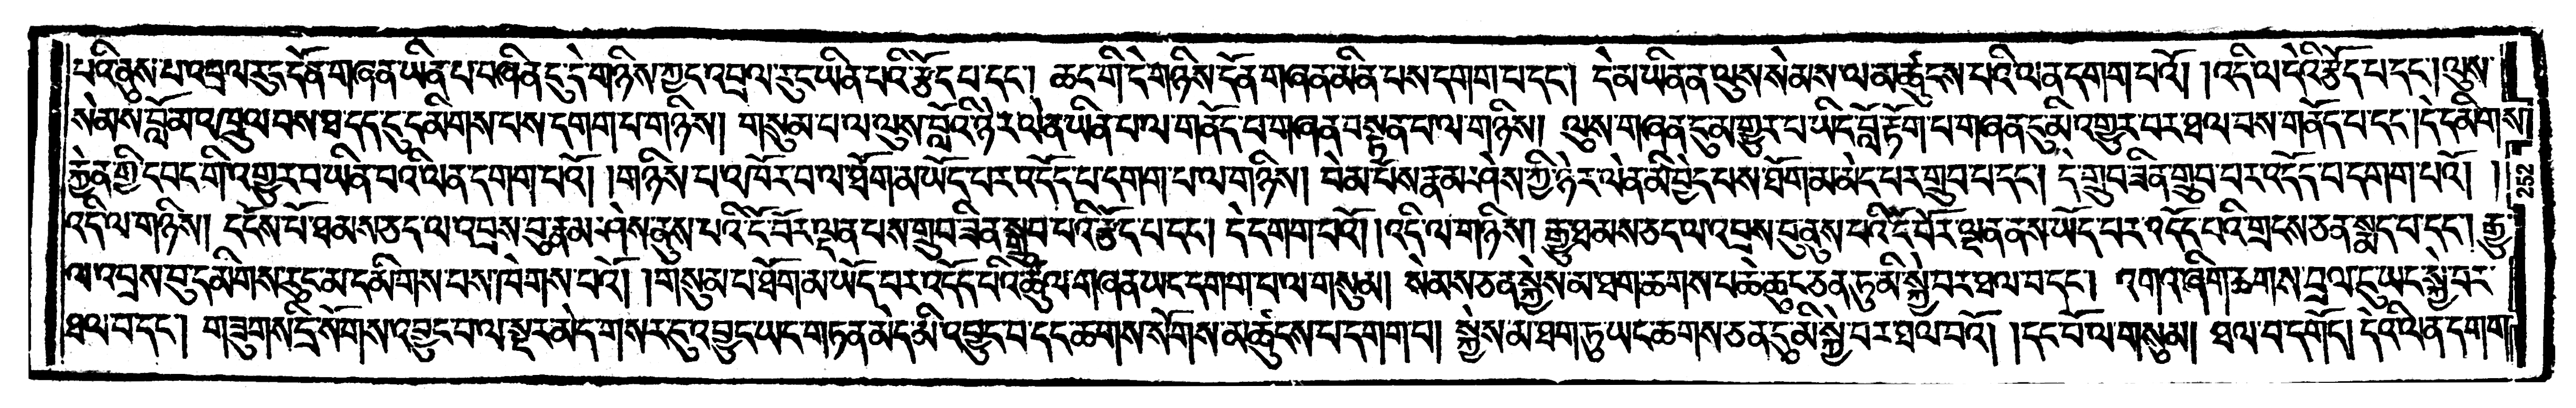པའི་ནུས་པ་འབྲལ་རུང་དོན་གཞན་ཡིན་པ་བཞིན་དུ་དེ་གཉིས་ཀྱང་འབྲལ་རུང་ཡིན་པའི་རྩོད་པ་དང་། ཆང་གི་དེ་གཉིས་དོན་གཞན་མིན་པས་དགག་པ་དང་། དེ་མ་ཡིན་ན་ལུས་སེམས་ལ་མཚུངས་པའི་ལན་དགག་པའོ། །འདི་ལ་དེའི་རྩོད་པ་དང་། ལུས་
སེམས་བློ་མ་འཁྲུལ་བས་ཐ་དད་དུ་དམིགས་པས་དགག་པ་གཉིས། གསུམ་པ་ལ་ལུས་བློའི་ཉེར་ལེན་ཡིན་པ་ལ་གནོད་པ་གཞན་བསྟན་པ་ལ་གཉིས། ལུས་གཞན་དུ་མ་གྱུར་པ་ཡིད་བློ་རྟོག་པ་གཞན་དུ་མི་འགྱུར་བར་ཐལ་བས་གནོད་པ་དང་། དེ་དམིགས་
རྐྱེན་གྱི་དབང་གི་འགྱུར་པ་ཡིན་པའི་ལན་དགག་པའོ། །གཉིས་པ་འཁོར་བ་ལ་ཐོག་མ་ཡོད་པར་འདོད་པ་དགག་པ་ལ་གཉིས། བེམ་པོས་རྣམ་ཤེས་ཀྱི་ཉེར་ལེན་མི་བྱེད་པས་ཐོག་མ་མེད་པར་གྲུབ་པ་དང་། དེ་གྲུབ་ཟིན་གྲུབ་པར་འདོད་པ་དགག་པའོ། །
འདི་ལ་གཉིས། དངོས་པོ་ཐམས་ཅད་ལ་འབྲས་བུ་རྣམ་ཤེས་ནུས་པའི་ངོ་བོར་ལྡན་པས་གྲུབ་ཟིན་སྒྲུབ་པའི་རྩོད་པ་དང་། དེ་དགག་པའོ། །འདི་ལ་གཉིས། རྒྱུ་ཐམས་ཅད་ལ་འབྲས་བུ་ནུས་པའི་ངོ་བོར་ལྡན་ནས་ཡོད་པར་འདོད་པའི་གྲངས་ཅན་སྨད་པ་དང་། རྒྱུ་
ལ་འབྲས་བུ་དམིགས་རུང་མ་དམིགས་པས་ཁེགས་པའོ། །གསུམ་པ་ཐོག་མ་ཡོད་པར་འདོད་པའི་ཚུལ་གཞན་ཡང་དགག་པ་ལ་གསུམ། སེམས་ཅན་སྐྱེས་མ་ཐག་ཆགས་པ་ཆེ་ཆུང་ཅན་ཏུ་མི་སྐྱེ་བར་ཐལ་བ་དང་། འགའ་ཞིག་ཆགས་བྲལ་དུ་ཡང་སྐྱེ་བར་
ཐལ་བ་དང་། གཟུགས་དྲི་སོགས་འབྱུང་བ་ལ་སྔར་མེད་གསར་དུ་འབྱུང་ཡང་གཏན་མེད་མི་འབྱུང་བ་དང་ཆགས་སོགས་མཚུངས་པ་དགག་པ། སྐྱེས་མ་ཐག་ཏུ་ཡང་ཆགས་ཅན་དུ་མི་སྐྱེ་བར་ཐལ་བའོ། །དང་པོ་ལ་གསུམ། ཐལ་བ་དགོད། དེའི་ལན་དགག་